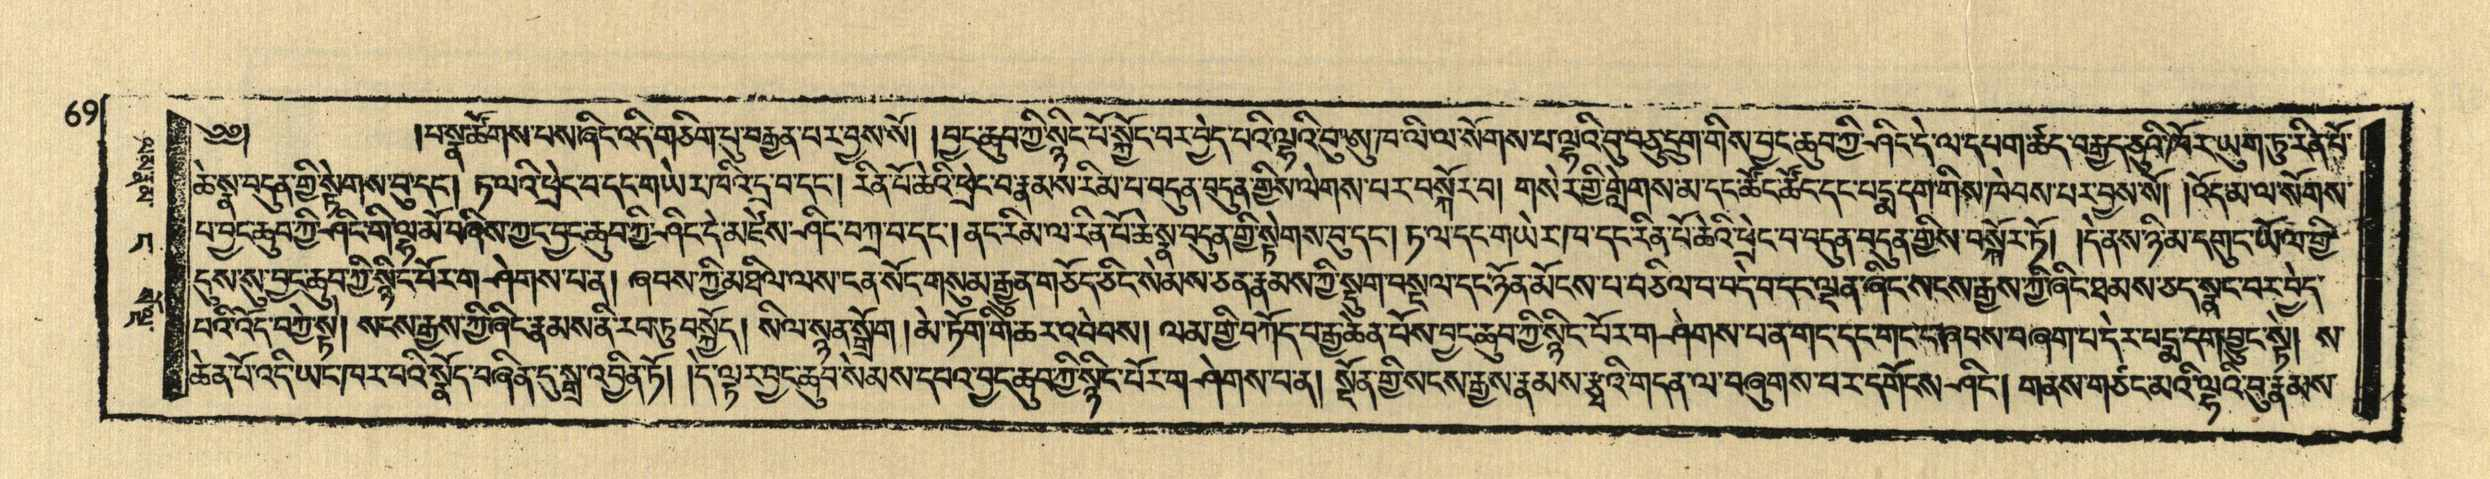༄༅། །པ་སྣ་ཚོགས་པས་ཞིང་འདི་གཅིག་པུ་བརྒྱན་པར་བྱས་སོ། །བྱང་ཆུབ་ཀྱི་སྙིང་པོ་སྐྱོང་བར་བྱེད་པའི་ལྷའི་བུ་ཨུ་ཁ་ལི་ལ་སོགས་པ་ལྷའི་བུ་བཅུ་དྲུག་གིས་བྱང་ཆུབ་ཀྱི་ཤིང་དེ་ལ་དཔག་ཚད་བརྒྱད་ཅུའི་ཁོར་ཡུག་ཏུ་རིན་པོ་
ཆེ་སྣ་བདུན་གྱི་སྟེགས་བུ་དང་། ཏ་ལའི་ཕྲེང་བ་དང་གཡེར་ཁའི་དྲ་བ་དང་། རིན་པོ་ཆེའི་ཕྲེང་བ་རྣམས་རིམ་པ་བདུན་བདུན་གྱིས་ལེགས་པར་བསྐོར་བ། གསེར་གྱི་གླེགས་མ་དང་ཚོང་ཚོང་དང་པདམ་དག་གིས་ཁེབས་པར་བྱས་སོ། །འོད་མ་ལ་སོགས་
པ་བྱང་ཆུབ་ཀྱི་ཤིང་གི་ལྷ་མོ་བཞིས་ཀྱང་བྱང་ཆུབ་ཀྱི་ཤིང་དེ་མཛེས་ཤིང་བཀྲ་བ་དང་། ནང་རིམ་ལ་རིན་པོ་ཆེ་སྣ་བདུན་གྱི་སྟེགས་བུ་དང་། ཏ་ལ་དང་གཡེར་ཁ་དང་རིན་པོ་ཆེའི་ཕྲེང་བ་བདུན་བདུན་གྱིས་བསྐོར་ཏོ། །དེ་ནས་ཉི་མ་དགུང་ཡོལ་གྱི་
དུས་སུ་བྱང་ཆུབ་ཀྱི་སྙིང་པོར་གཤེགས་པ་ན། ཞབས་ཀྱི་མཐིལ་ལས་ངན་སོང་གསུམ་རྒྱུན་གཅོད་ཅིང་སེམས་ཅན་རྣམས་ཀྱི་སྡུག་བསྔལ་དང་ཉོན་མོངས་པ་བཅིལ་བ་བདེ་བ་དང་ལྡན་ཞིང་སངས་རྒྱས་ཀྱི་ཞིང་ཐམས་ཅད་སྣང་བར་བྱེད་
པའི་འོད་བཀྱེ་སྟེ། སངས་རྒྱས་ཀྱི་ཞིང་རྣམས་ནི་རབ་ཏུ་བསྐྱོད། སིལ་སྙན་སྒྲོག །མེ་ཏོག་གི་ཆར་འབེབས། ལམ་གྱི་བཀོད་པ་རྒྱ་ཆེན་པོས་བྱང་ཆུབ་ཀྱི་སྙིང་པོར་གཤེགས་པ་ན་གང་དང་གང་བཞབས་བཞག་པ་དེར་པདམ་དག་བྱུང་སྟེ། ས་
ཆེན་པོ་འདི་ཡང་ཁར་པའི་སྣོད་བཞིན་དུ་སྒྲ་འབྱིན་ཏོ། །དེ་ལྟར་བྱང་ཆུབ་སེམས་དཔའ་བྱང་ཆུབ་ཀྱི་སྙིང་པོར་གཤེགས་པ་ན། སྔོན་གྱི་སངས་རྒྱས་རྣམས་རྩྭའི་གདན་ལ་བཞུགས་པར་དགོངས་ཤིང་། གནས་གཙང་མའི་ལྷའི་བུ་རྣམས་